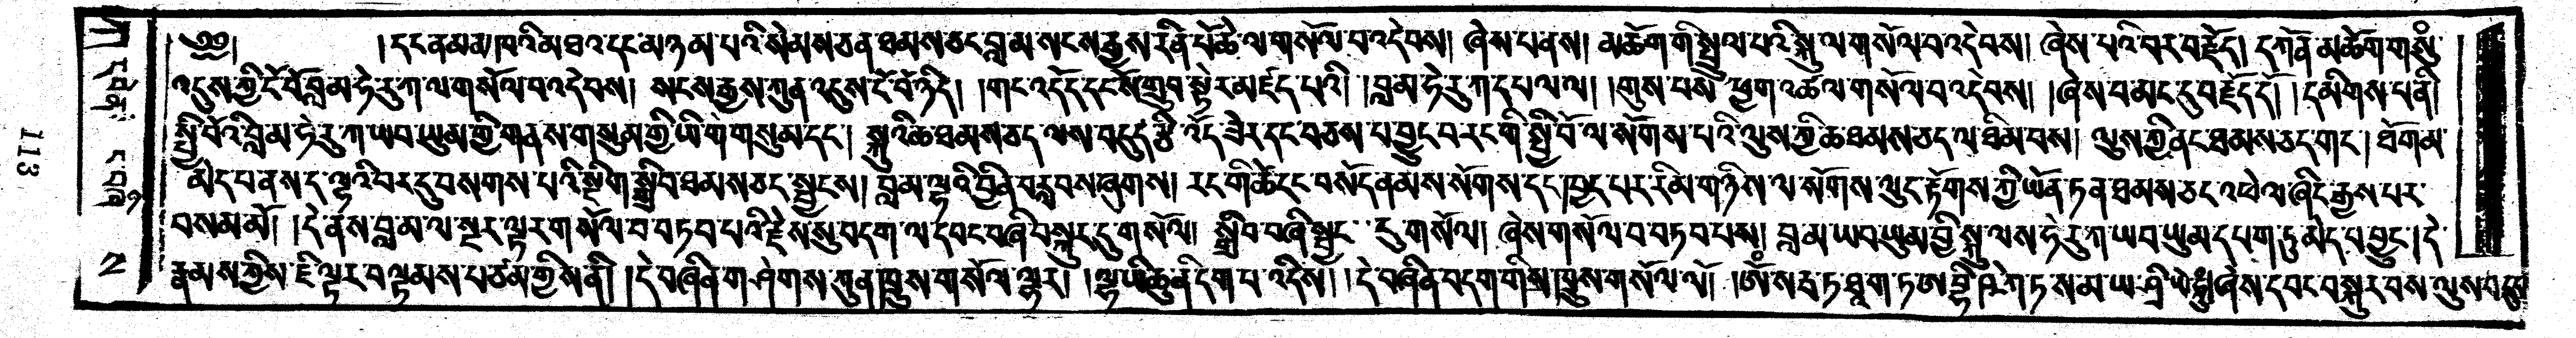༄༅། །དང་ནམ་མཁའི་མཐའ་དང་མཉམ་པའི་སེམས་ཅན་ཐམས་ཅད་བླ་མ་སངས་རྒྱས་རིན་པོ་ཆེ་ལ་གསོལ་བ་འདེབས། ཞེས་པ་ནས། མཆོག་གི་སྤྲུལ་པའི་སྐུ་ལ་གསོལ་བ་འདེབས། ཞེས་པའི་བར་བརྗོད། དཀོན་མཆོག་གསུཾ་
འདུས་ཀྱི་ངོ་བོ་བླ་མ་ཧེ་རུ་ཀ་ལ་གསོལ་བ་འདེབས། སངས་རྒྱས་ཀུན་འདུས་ངོ་བོ་ཉིད། །གང་འདོད་དང་སོ་གྲུབ་སྟེར་མཛད་པའི། །བླ་མ་ཧེ་རུ་ཀ་དཔལ་ལ། །གུས་པས་ཕྱག་འཚལ་གསོལ་བ་འདེབས། །ཞེས་པ་མང་དུ་བརྗོད་དོ། །དམིགས་པ་ནི།
སྤྱི་བོའི་བླ་མ་ཧེ་རུ་ཀ་ཡབ་ཡུམ་གྱི་གནས་གསུམ་གྱི་ཡི་གེ་གསུམ་དང་། སྐུའི་ཆ་ཐམས་ཅད་ལས་བདུད་རྩི་འོད་ཟེར་དང་བཅས་པ་བྱུང་བ་རང་གི་སྤྱི་བོ་ལ་སོགས་པའི་ལུས་ཀྱི་ཆ་ཐམས་ཅད་ལ་ཐིམ་བས། ལུས་ཀྱི་ནང་ཐམས་ཅད་གང་། ཐོག་མ་
མེད་པ་ནས་ད་ལྟའི་བར་དུ་བསགས་པའི་སྡིག་སྒྲིབ་ཐམས་ཅད་སྦྱངས། བླ་མ་ལྷའི་བྱིན་བརླབས་ཞུགས། རང་གི་ཚེ་དང་བསོད་ནམས་སོགས་དང་ཁྱད་པར་རིམ་གཉིས་ལ་སོགས་ལུང་རྟོགས་ཀྱི་ཡོན་ཏན་ཐམས་ཅད་འཕེལ་ཞིང་རྒྱས་པར་
བསམ་མོ། །དེ་ནས་བླ་མ་ལ་སྔར་ལྟར་གསོལ་བ་བཏབ་པའི་རྗེས་སུ་བདག་ལ་དབང་བཞི་བསྐུར་དུ་གསོལ། སྒྲིབ་བཞི་སྦྱང་དུ་གསོལ། ཞེས་གསོལ་བ་བཏབ་པས། བླ་མ་ཡབ་ཡུམ་བྱི་སྐུ་ལས་ཧེ་རུ་ཀ་ཡབ་ཡུམ་དཔག་ཏུ་མེད་པ་བྱུང་། དེ་
རྣམས་ཀྱིས་ཇི་ལྟར་བལྟམས་པ་ཙམ་གྱིས་ནི། །དེ་བཞིན་གཤེགས་ཀུན་ཁྲུས་གསོལ་ལྷར། །ལྷ་ཡི་ཆུ་ནི་དག་པ་འདིས། །དེ་བཞིན་བདག་གིས་ཁྲུས་གསོལ་ལོ། །ཨོཾ་སརྦ་ཏ་ཐཱ་ག་ཏ་ཨབྷི་ཥེ་ཀ་ཏ་ས་མ་ཡ་ཤྲི་ཡེ་ཧཱུཾ། ཞེས་དབང་བསྐུར་བས་ལུས་བདུད་